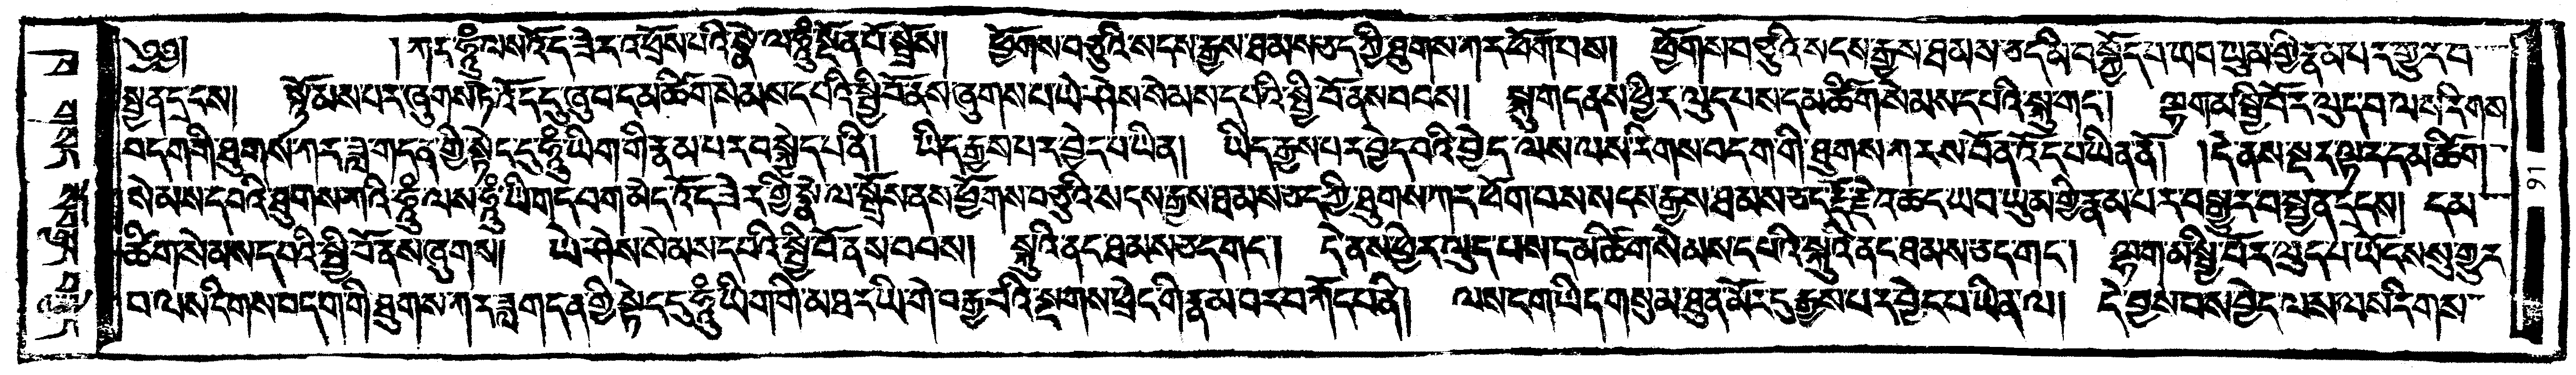༄༅། །ཀར་ཧཱུཾ་ལས་འོད་ཟེར་འཕྲོས་པའི་སྣེ་ལ་ཧཱུཾ་སྔོན་པོ་སྤྲོས། ཕྱོགས་བཅུའི་སངས་རྒྱས་ཐམས་ཅད་ཀྱི་ཐུགས་ཀར་ཕོག་བས། ཕྱོགས་བཅུའི་སངས་རྒྱས་ཐམས་ཅད་མི་བསྐྱོད་པ་ཡབ་ཡུམ་གྱི་རྣམ་པར་གྱུར་བ་
སྤྱན་དྲངས། སྙོམས་པར་ཞུགས་ཏེ་འོད་དུ་ཞུ་བ་དམ་ཚིག་སེམས་དཔའི་སྤྱི་བོ་ནས་ཞུགས་པ་ཡེ་ཤེས་སེམས་དཔའི་སྤྱི་བོ་ནས་བབས། སྐུ་གང་ནས་ཕྱིར་ལུད་པས་དམ་ཚིག་སེམས་དཔའི་སྐུ་གང་། ལྷག་མ་སྤྱི་བོར་ལུད་བ་ལས་རིགས་
བདག་གི་ཐུགས་ཀར་ཟླ་གདན་གྱི་སྟེང་དུ་ཧཱུཾ་ཡིག་གི་རྣམ་པར་བསྐྱེད་པ་ནི། ཡིད་རྒྱས་པར་བྱེད་པ་ཡིན། ཡིད་རྒྱས་པར་བྱེད་པའི་བྱེད་ལས་ལས་རིགས་བདག་གི་ཐུགས་ཀར་ས་བོན་འོང་བ་ཡིན་ནོ། །དེ་ནས་སྔར་ལྟར་དམ་ཚིག་
སེམས་དཔའི་ཐུགས་ཀའི་ཧཱུཾ་ལས་ཧཱུཾ་ཡིག་དཔག་མེད་འོད་ཟེར་གྱི་སྣེ་ལ་སྤྲོས་ནས་ཕྱོགས་བཅུའི་སངས་རྒྱས་ཐམས་ཅད་ཀྱི་ཐུགས་ཀར་ཕོག་པས་སངས་རྒྱས་ཐམས་ཅད་རྡོ་རྗེ་འཆང་ཡབ་ཡུམ་གྱི་རྣམ་པར་བསྒྱུར་བ་སྤྱན་དྲངས། དམ་
ཚིག་སེམས་དཔའི་སྤྱི་བོ་ནས་ཞུགས། ཡེ་ཤེས་སེམས་དཔའི་སྤྱི་བོ་ནས་བབས། སྐུའི་ནང་ཐམས་ཅད་གང་། དེ་ནས་ཕྱིར་ལུད་པས་དམ་ཚིག་སེམས་དཔའི་སྐུའི་ནང་ཐམས་ཅད་གང་། ལྷག་མ་སྤྱི་བོར་ལུད་པ་ཡོངས་སུ་གྱུར་
པ་ལས་རིགས་བདག་གི་ཐུགས་ཀར་ཟླ་གདན་གྱི་སྟེང་དུ་ཧཱུཾ་ཡིག་གི་མཐར་ཡི་གེ་བརྒྱ་བའི་སྔགས་ཕྲེང་གི་རྣམ་པར་བཀོད་པ་ནི། ལས་ངག་ཡིད་གསུམ་ཐུན་མོང་དུ་རྒྱས་པར་བྱེད་པ་ཡིན་ལ། དེ་བྱས་པས་བྱེད་ལས་ལས་རིགས་